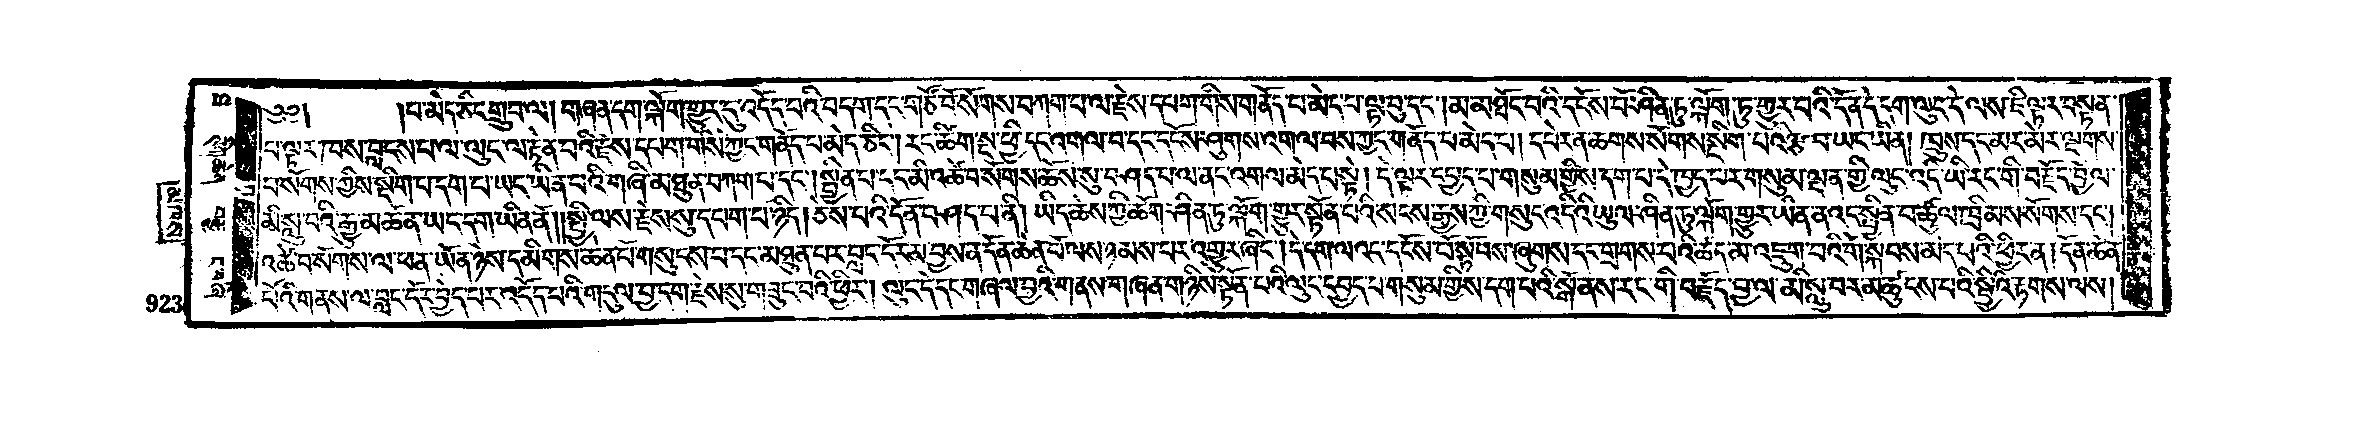༄༅། །པ་མེད་ཅིང་གྲུབ་ལ། གཞན་དག་ལྐོག་གྱུར་དུ་འདོད་པའི་བདག་དང་གཙོ་བོ་སོགས་བཀག་པ་ལ་རྗེས་དཔག་གིས་གནོད་པ་མེད་པ་ལྟ་བུ་དང་། མ་མཐོང་བའི་དངོས་པོ་ཤིན་ཏུ་ལྐོག་ཏུ་གྱུར་བའི་དོན་དེ་དག་ལུང་དེ་ལས་ཇི་ལྟར་བསྟན་
པ་ལྟར་ཁས་བླངས་པ་ལ་ལུང་ལ་རྟེན་པའི་རྗེས་དཔག་གིས་ཀྱང་གནོད་པ་མེད་ཅིང་། རང་ཚིག་སྔ་ཕྱི་དང་འགལ་བ་དང་དངོས་ཤུགས་འགལ་བས་ཀྱང་གནོད་པ་མེད་པ། དཔེར་ན་ཆགས་སོགས་སྡིག་པའི་རྩ་བ་ཡང་ཡིན། ཁྲུས་དང་མར་མེར་ལྔགས་
པ་སོགས་ཀྱིས་སྡིག་པ་དག་པ་ཡང་ཡིན་པའི་གཞི་མཐུན་བཀག་པ་དང་། སྦྱིན་པ་དང་མི་འཚེ་བ་སོགས་ཆོས་སུ་བཤད་པ་ལ་ནང་འགལ་མེད་པ་སྟེ། དེ་ལྟར་དཔྱད་པ་གསུམ་གྱིས་དག་པ་དེ་ཁྱད་པར་གསུམ་ལྡན་གྱི་ལུང་འདི་ཡི་རང་གི་བརྗོད་བྱ་ལ་
མི་སླུ་བའི་རྒྱུ་མཚན་ཡང་དག་ཡིན་ནོ། །སྤྱི་ལས་རྗེས་སུ་དཔག་པ་ཉིད། ཅེས་པའི་དོན་བཤད་པ་ནི། ཡིད་ཆེས་ཀྱི་ཆོག་ཤིན་ཏུ་ལྐོག་གྱུར་སྟོན་པའི་སངས་རྒྱས་ཀྱི་གསུང་འདིའི་ཡུལ་ཤིན་ཏུ་ལྐོག་གྱུར་ཡིན་ནའང་སྦྱིན་པ་ཚུལ་ཁྲིམས་སོགས་དང་།
འཚེ་བ་སོགས་ལ་ཕན་ཡོན་ཉེས་དམིགས་ཆེན་པོ་གསུངས་པ་དང་མཐུན་པར་བླང་དོར་མ་བྱས་ན་དོན་ཆེན་པོ་ལས་ཉམས་པར་འགྱུར་ཞིང་། དེ་དག་ལའང་དངོས་པོ་སྟོབས་ཞུགས་དང་གྲགས་པའི་ཚད་མ་འཇུག་པའི་གོ་སྐབས་མེད་པའི་ཕྱིར་ན། དོན་ཆེན་
པོའི་གནས་ལ་བླང་དོར་བྱེད་པར་འདོད་པའི་གདུལ་བྱ་དག་རྗེས་སུ་གཟུང་བའི་ཕྱིར། ལུང་དེ་དང་གཞལ་བྱའི་གནས་གཞན་གཉིས་སྟོན་པའི་ལུང་དཔྱད་པ་གསུམ་གྱིས་དག་པའི་སྒོ་ནས་རང་གི་བརྗོད་བྱ་ལ་མི་སླུ་བར་མཚུངས་པའི་སྤྱིའི་རྟགས་ལས།